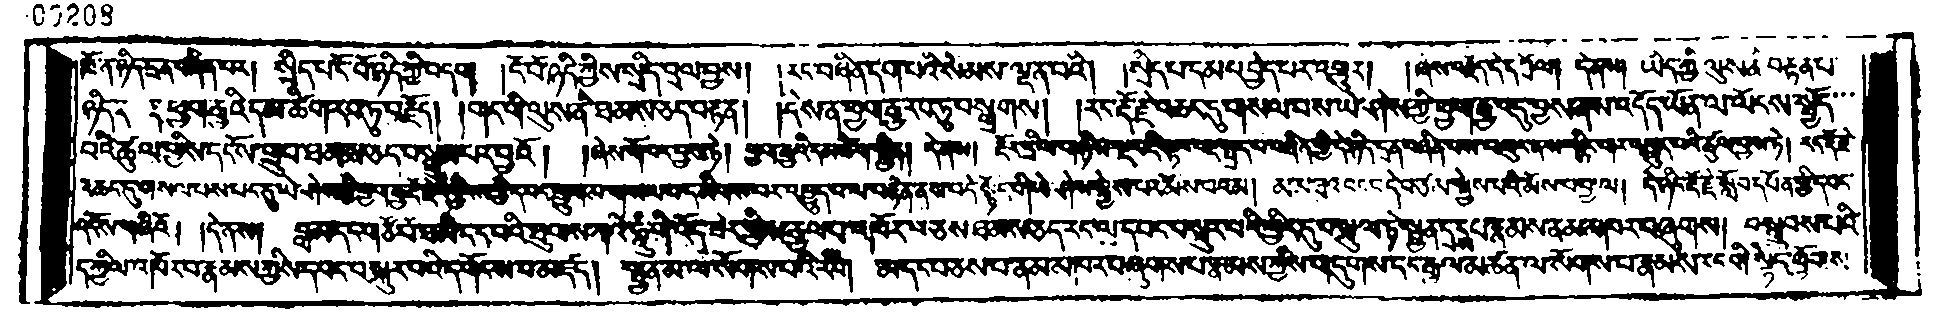ཁོ་ན་ཉིད་དྲན་བཞིན་པར། སྲིད་པ་ངོ་བོ་ཉིད་ཀྱི་བདག །ངོ་བོ་ཉིད་ཀྱིས་སྲིད་བྲལ་བྱས། །རང་བཞིན་དག་པའི་སེམས་ལྡན་པའི། །སྲིད་པ་དམ་པ་བྱེད་པར་འགྱུར། །ཞེས་བརྗོད་དེ་དཀྲོལ། དེ་ནས།  ཡིད་ཀྱི་ལུས་ནི་བརྟན་པ་
ཉིད། །ཕྱག་རྒྱའི་དམ་ཚིག་རབ་ཏུ་བརྗོད། །གང་གི་ལུས་ནི་ཐམས་ཅད་བརྟན། །དེས་ན་ཕྱག་རྒྱ་རབ་ཏུ་བསྒྲགས། །རང་རྡོ་རྗེ་འཆང་དུ་གསལ་བས་ཡེ་ཤེས་ཀྱི་ཕྱག་རྒྱ་འདུ་བྱས་ནས་འདོད་ཡོན་ལ་ལོངས་སྤྱོད་
བའི་ཚུལ་གྱིས་དངོས་གྲུབ་ཐམས་ཅད་བསྒྲུབ་པར་བྱའོ། །ཞེས་གོ་བར་བྱས་ཏེ། ཕྱག་རྒྱའི་དམ་ཚིག་སྦྱིན། དེ་ནས། རྡོར་དྲིལ་གཉིས་སྔར་ཇི་ལྟར་བརྡ་སྤྲད་པ་བཞིན་གྱི་དེ་ཉིད་དྲན་བཞིན་པས་བཟུང་ནས་སྙིང་གར་འཁྱུད་པའི་ཚུལ་བྱས་ཏེ། རང་རྡོ་རྗེ་
འཆང་དུ་གསལ་པས་པང་དུ་ཡེ་ཤེས་ཀྱི་ཕྱག་རྒྱ་རྡོ་རྗེ་དབྱིངས་ཀྱི་དབང་ཕྱུག་མ་གསལ་བ་དམིགས་པར་འཁྱུད་བ་ལ་བརྟེན་ནས་བདེ་སྟོང་གི་ཡེ་ཤེས་སྐྱེས་པར་མོས་པའམ། མ་མཐའ་འང་བདེ་བ་ཙམ་སྐྱེས་པའི་མོས་པ་བྱ་ལ། དེ་ཉིད་རྡོ་རྗེ་སློབ་དཔོན་གྱི་དབང་
དངོས་གཞིའོ། །དེ་ནས། བླ་མ་དང་གཙོ་བོ་ཐ་མི་དད་པའི་ཐུགས་ཀའི་ཧཱུཾ་གི་འོད་ཟེར་གྱིས་རྒྱལ་བ་འཁོར་བཅས་ཐམས་ཅད་རང་ལ་དབང་བསྐུར་པའི་ཕྱིར་དུ་བསྐུལ་ཏེ་སྤྱན་དྲངས་པ་རྣམས་ནམ་མཁར་བཞུགས། བསྒྲུབ་པའི་
དཀྱིལ་འཁོར་བ་རྣམས་ཀྱིས་དབང་བསྐུར་བའི་དགོངས་པ་མཛད། སྤྱན་མ་ལ་སོགས་པའི་རིག་མ་དང་བཅས་པ་ནམ་མཁར་བཞུགས་པ་རྣམས་ཀྱིས་གདུགས་དང་རྒྱལ་མཚན་ལ་སོགས་པ་རྣམས་རང་གི་སྟེང་ཕྱོགས་